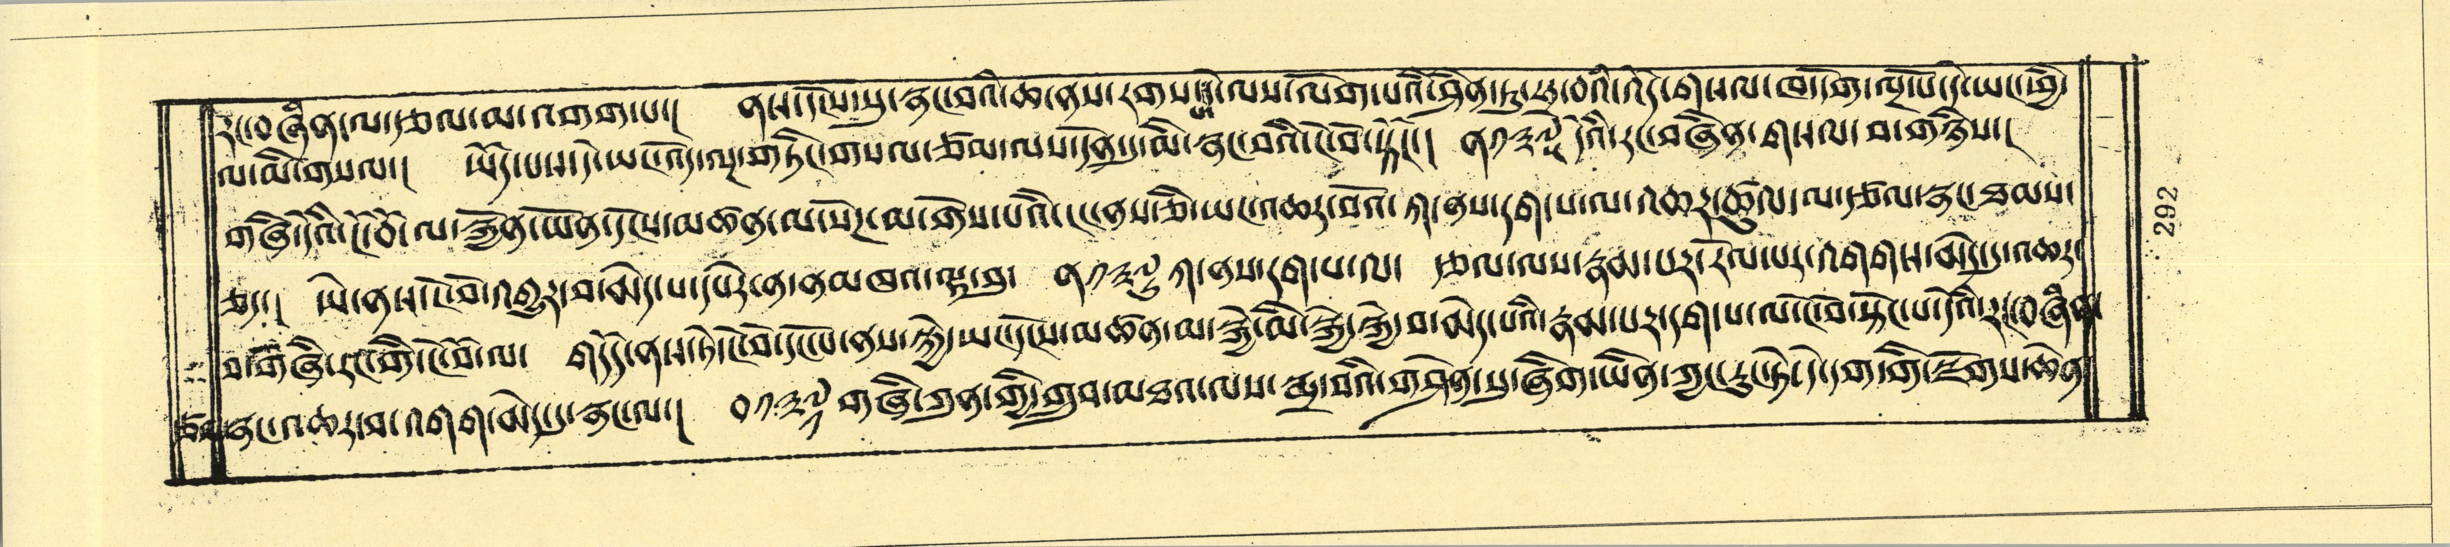རང་བཞིན་ལ་རྩལ་མ་འགག་པ། ནས་དངོས་སུ་སྣང་བའི་ཆ་ནས་རགས་པ་དེ་ལས་ལོག་པའི་ཤིན་ཏུ་ཕྲ་བའི་འོད་གསལ་ཁ་དོག་ལྔ་པོ་དེ་ཡང་ཕྱི་
ལ་མི་གསལ། ༼ཡོད་པས་༽དེ་ཡང་འོད་ལྔ་གཏིང་གསལ་ཙམ་ལས་དོན་དུ་མི་སྣང་བའི་ངོ་བོ་ ༼སྟོང།༽ན༡༣༧།༥ དེའི་རང་བཞིན་ ༼གསལ་༽བ་གཉིས། 
གཞི་དེའི་ ༼ངོ་བོ་༽ལ་སྐྱོན་ཡོན་དངོས་མཚན་ལ་སོགས་མ་གོས་པའི་ངང་ནས་ཅི་ཡང་འཆར་བའོ། ༼ཀ་༽ནས་ ༼དག་༽པ་ལ་ ༼འཆར་ཚུལ་༽ལ་རྩལ་སྣང་ཐམས་
ཅད། ༼ཡེ་ནས་༽ངོ་བོ་ ༼འགྱུར་༽བ་ ༼མེད་༽པ་དཔེར་ན་ནམ་མཁའ་ལྟ་བུ། ན༡༣༦།༦ ༼ཀ་༽ནས་ ༼དག་པ་ལ།༽རྩལ་ལས་ ༼རྣམ་པར་༽རོལ་པར་ ༼འགགས་མེད་༽དུ་འཆར་
བ་གཞི་རང་གི་ངོ་བོ་ལ། ༼གདོད་ནས་ཏེ་༽ངོ་བོ་དང་པོ་ནས་སྐྱེ་ཡང་དངོས་མཚན་མ་སྐྱེ་མི་སྐྱེ་སྐྱེ་བ་ ༼མེད་༽པའི་ ༼རྣམ་པར་དག་༽པ་ལ་ངོ་བོ་སྟོང་པ་དེའི་རང་བཞིན་
རྩལ་སྣང་འཆར་བ་ ༼འགག་མེད་༽དུ་སྣང་ལ། བ༡༣༧།༡ གཞི་ཀུན་གྱི་གྲུབ་མཐའ་ལས་སྨྲ་བའི་གཤེན་སུ་ཞིག་ཡིན་ཀྱང་ ༼རུང་༽ཏེ་དེ་དག་གི་སྫོགས་ཆེན་